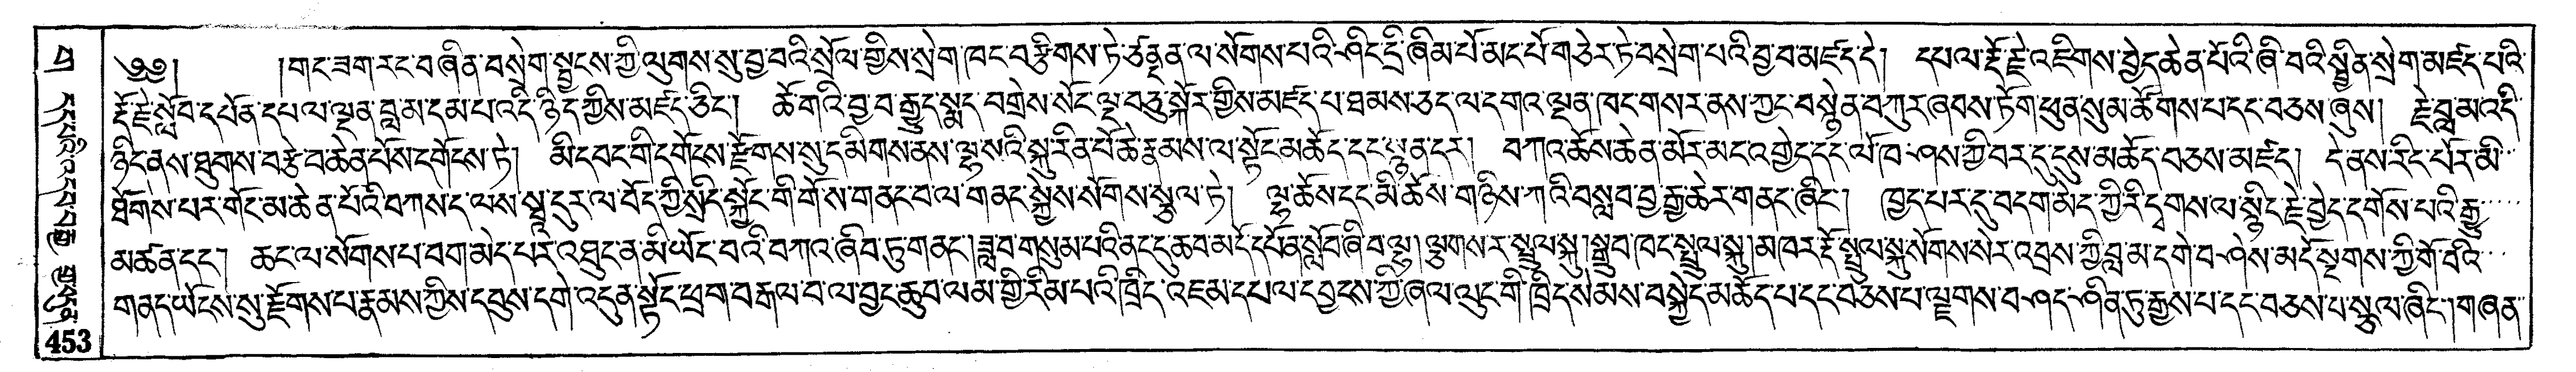༄༅། །གང་ཟག་རང་བཞིན་བསྲེག་སྦྱངས་ཀྱི་ལུགས་སུ་བྱ་བའི་སྲོལ་གྱིས་སྲེག་ཁང་བརྩིགས་ཏེ་ཙནྡན་ལ་སོགས་པའི་ཤིང་དྲི་ཞིམ་པོ་མང་པོ་གཙིར་ཏེ་བསྲེག་པའི་བྱ་བ་མཛད་དེ། དཔལ་རྡོ་རྗེ་འཇིགས་བྱེད་ཆེན་པོའི་ཞི་བའི་སྦྱིན་སྲེག་མཛད་པའི་
རྡོ་རྗེ་སློབ་དཔོན་དཔལ་ལྡན་བླ་མ་དམ་པ་འདི་ཉིད་ཀྱིས་མཛད་ཅིང་། ཆོ་གའི་བྱ་བ་རྒྱུད་སྨད་བགྲེས་སོང་ལྔ་བཅུ་སྐོར་གྱིས་མཛད་པ་ཐམས་ཅད་ལ་དགའ་ལྡན་ཁང་གསར་ནས་ཀྱང་བསྙེན་བཀུར་ཞབས་ཏོག་ཕུན་སུམ་ཚོགས་པ་དང་བཅས་ཞུས། རྗེ་བླ་མ་འདི་
ཉིད་ནས་ཐུགས་བརྩེ་བ་ཆེན་པོས་དགོངས་ཏེ། མི་དབང་གི་དགོངས་རྫོགས་སུ་དམིགས་ནས་ལྷ་སའི་སྐུ་རིན་པོ་ཆེ་རྣམས་ལ་སྟོང་མཆོད་དང་སྙན་དར། བཀའ་ཆོས་ཆེན་མོར་མང་འགྱེད་དང་ལོ་ཁ་ཤས་ཀྱི་བར་དུ་དུས་མཆོད་བཅས་མཛད། དེ་ནས་རིང་ཕོར་མི་
ཐོགས་པར་གོང་མ་ཆེན་པོའི་བཀས་ད་ལས་སྦཱ་དུར་ལ་བོད་ཀྱི་སྲིད་སྐྱོང་གི་གོ་ས་གནང་བ་ལ་གནང་སྐྱེས་སོགས་སྩལ་ཏེ། ལྷ་ཆོས་དང་མི་ཆོས་གཉིས་ཀའི་བསླབ་བྱ་རྒྱ་ཆེར་གནང་ཞིང་། ཁྱད་པར་དུ་བདག་མེད་ཀྱི་རི་དྭགས་ལ་སྙིང་རྗེ་བྱེད་དགོས་པའི་རྒྱུ་
མཚན་དང་། ཆང་ལ་སོགས་པ་བག་མེད་པར་འཐུང་ན་མི་ཡོང་བའི་བཀའ་ཞིབ་ཏུ་གནང་། ཟླ་བ་གསུམ་པའི་ནང་དུ་ཆབ་མདོ་དཔོན་སློབ་ཞི་བ་ལྷ། ལྕགས་ར་སྤྲུལ་སྐུ། སྒྲུབ་ཁང་སྤྲུལ་སྐུ། མཁར་རྡོ་སྤྲུལ་སྐུ་སོགས་སེར་འབྲས་ཀྱི་བླ་མ་དགེ་བཤེས་མདོ་སྔགས་ཀྱི་གོ་བའི་
གནད་ཡོངས་སུ་རྫོགས་པ་རྣམས་ཀྱིས་དབུས་དགེ་འདུན་སྟོང་ཕྲག་བརྒལ་བ་ལ་བྱང་ཆུབ་ལམ་གྱི་རིམ་པའི་ཁྲིད་འཇམ་དཔལ་དབྱངས་ཀྱི་ཞལ་ལུང་གི་ཁྲིད་སེམས་བསྐྱེད་མཆོད་པ་དང་བཅས་པ་ལྗགས་བཤད་ཤིན་ཏུ་རྒྱས་པ་དང་བཅས་པ་སྩལ་ཞིང་།གཞན་